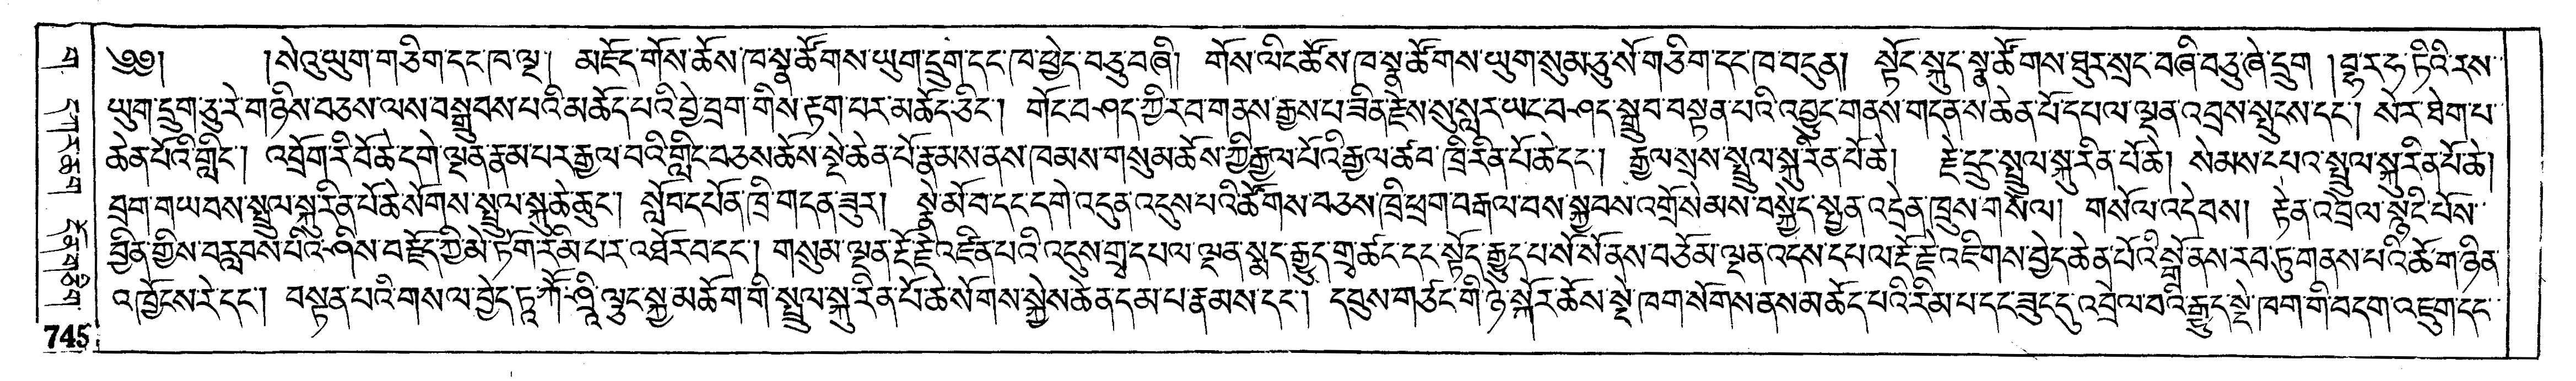༄༅། །སེའུ་ཡུག་གཅིག་དང་ཁ་ལྔ། མཛོད་གོས་ཚོས་ཁ་སྣ་ཚོགས་ཡུག་དྲུག་དང་ཁ་ཕྱེད་བཅུ་བཞི། གོས་ལིང་ཆོས་ཁ་སྣ་ཚོགས་ཡུག་སུམ་ཅུ་སོ་གཅིག་དང་ཁ་བདུན། སྟོང་སྐུད་སྣ་ཚོགས་ཐུར་སྲང་བཞི་བཅུ་ཞེ་དྲུག །བྷ་ར་ཧ་ཏིའི་རས་
ཡུག་དྲུག་ཅུ་རེ་གཉིས་བཅས་ལས་བསྒྲུབས་པའི་མཆོད་བའི་བྱེ་བྲག་གིས་རྟག་པར་མཆོད་ཅིང་། གོང་བཤད་ཀྱི་རབ་གནས་རྒྱས་པ་ཟིན་རྗེས་སུ་སླར་ཡང་བཤད་སྒྲུབ་བསྟན་པའི་འབྱུང་གནས་གདན་ས་ཆེན་པོ་དཔལ་ལྡན་འབྲས་སྤུངས་དང་། སེར་ཐེག་བ་
ཆེན་པོའི་གླིང་། འབྲོག་རི་བོ་ཆེ་དགེ་ལྡན་རྣམ་བར་རྒྱལ་བའི་གླིང་བཅས་ཆོས་སྔེ་ཆེན་པོ་རྣམས་ནས་ཁམས་གསུམ་ཆོས་ཀྱི་རྒྱལ་པོའི་རྒྱ་ལ་ཚ་བ་ཁྲི་རིན་པོ་ཆེ་དང་། རྒྱལ་སྲས་སྤྲུལ་སྐུ་རིན་པོ་ཆེ། རྗེ་དྲུང་སྤྲུལ་སྐུ་རིན་པོ་ཆེ། སེམས་དཔའ་སྤྲུལ་སྐུ་རིན་པོ་ཆེ།
བྲག་གཡབས་སྤྲུལ་སྐུ་རིན་པོ་ཆེ་སོགས་སྤྲུལ་སྐུ་ཆེ་ཆུང་། སློབ་དཔོན་ཁྲི་གདན་ཟུར། སྣེ་མོ་བ་དང་དགེ་འདུན་འདུས་པའི་ཚོགས་བཅས་ཁྲི་ཕྲག་བརྒལ་བས་སྐྱབས་འགྲོ་སེམས་བསྐྱེད་སྤྱན་འདྲེན་ཁྲུས་གསོལ། གསོལ་འདེབས། རྟེན་འབྲེལ་སྙིང་པོས་
བྱིན་གྱིས་བརླབས་བའི་ཤིས་བརྗོད་ཀྱི་མེ་ཏོག་རིམ་པར་འཐོར་བ་དང་། གསུམ་ལྡན་རྡོ་རྗེ་འཛིན་པའི་འདུས་གྲྭ་དཔལ་ལྡན་སྨད་རྒྱུད་གྲྭ་ཆང་དང་སྟོད་རྒྱུད་པ་སོ་སོ་ནས་བཅོམ་ལྡན་འདས་དཔལ་རྡོ་རྗེ་འཇིགས་བྱེད་ཆེན་པོའི་སྒོ་ནས་རབ་ཏུ་གནས་པའི་ཆོ་ག་ཉིན་
འཁྱོངས་རེ་དང་། བསྟན་བའི་གསལ་བྱེད་ཏཱ་ཀཽ་ཤྲཱི་ལྕང་སྐྱ་མཆོག་གི་སྤྲུལ་སྐུ་རིན་པོ་ཆེ་སོགས་སྐྱེས་ཆེན་དམ་པ་རྣམས་དང་། དབུས་གཙང་གི་ཉེ་སྐོར་ཆོས་སྔེ་ཁག་སོགས་ནས་མཆོད་པའི་རིམ་པ་དང་ཟུང་དུ་འབྲེལ་བའི་རྒྱུད་སྡེ་ཁག་གི་བདག་འཇུག་དང་